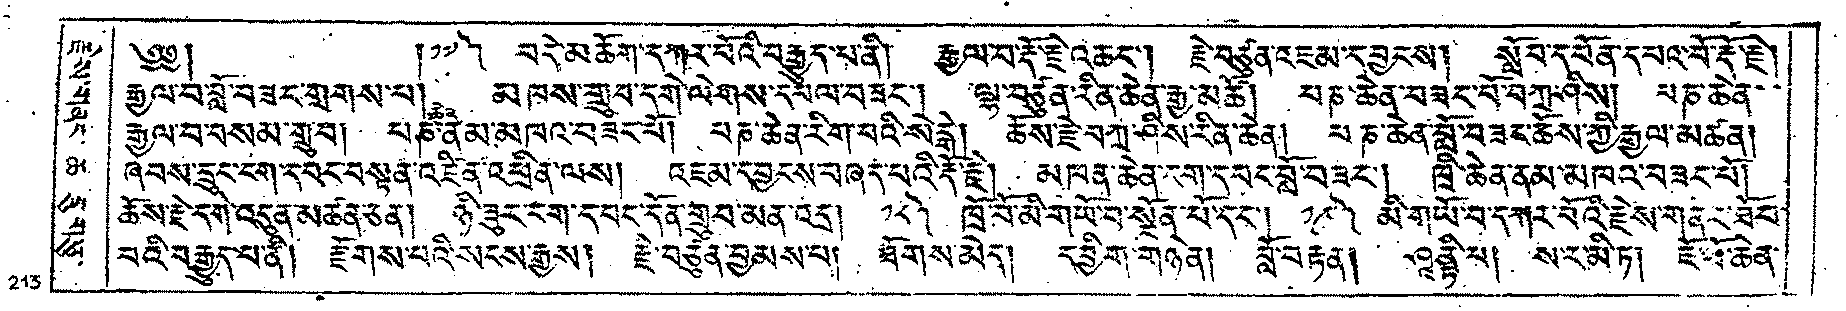༄༅། །༡༧}་བདེ་མཆོག་དཀར་པོའི་བརྒྱུད་པ་ནི། རྒྱལ་བ་རྡོ་རྗེ་འཆང་། རྗེ་བཙུན་འཇམ་དབྱངས། སློབ་དཔོན་དཔའ་བོ་རྡོ་རྗེ།
རྒྱལ་བ་བློ་བཟང་གྲགས་པ། མཁས་གྲུབ་དགེ་ལེགས་དཔལ་བཟང་། ལྷ་བཙུན་རིན་ཆེན་རྒྱ་མཚོ། པཎ་ཆེན་བཟང་པོ་བཀྲ་ཤིས། པཎ་ཆེན་
རྒྱལ་བ་བསམ་གྲུབ། པཎ་ཆེན་ནམ་མཁའ་བཟང་པོ། པཎ་ཆེན་རིག་པའི་སེངྒེ། ཆོས་རྗེ་བཀྲ་ཤིས་རིན་ཆེན། པཎ་ཆེན་བློ་བཟང་ཆོས་ཀྱི་རྒྱལ་མཚན།
ཞབས་དྲུང་ངག་དབང་བསྟན་འཛིན་འཕྲིན་ལས། འཇམ་དབྱངས་བཞད་པའི་རྡོ་རྗེ། མཁན་ཆེན་ངག་དབང་བློ་བཟང་། ཁྲི་ཆེན་ནམ་མཁའ་བཟང་པོ།
ཆོས་རྗེ་དགེ་འདུན་མཚན་ཅན། ཉི་ཟུར་ངག་དབང་དོན་གྲུབ་མན་འདྲ། ༡༨}་ཁྲོ་བོ་མི་གཡོ་བ་སྔོན་པོ་དང་། ༡༩}་མི་གཡོ་བ་དཀར་པོའི་རྗེས་གནང་ཐོབ་
པའི་བརྒྱུད་པ་ནི། རྫོགས་པའི་སངས་རྒྱས། རྗེ་བཙུན་བྱམས་པ། ཐོགས་མེད། དབྱིག་གཉེན། བློ་བརྟན། ཤཱནྟི་པ། ས་ར་མི་ཏ། ཇོ་བོ་ཆེན་